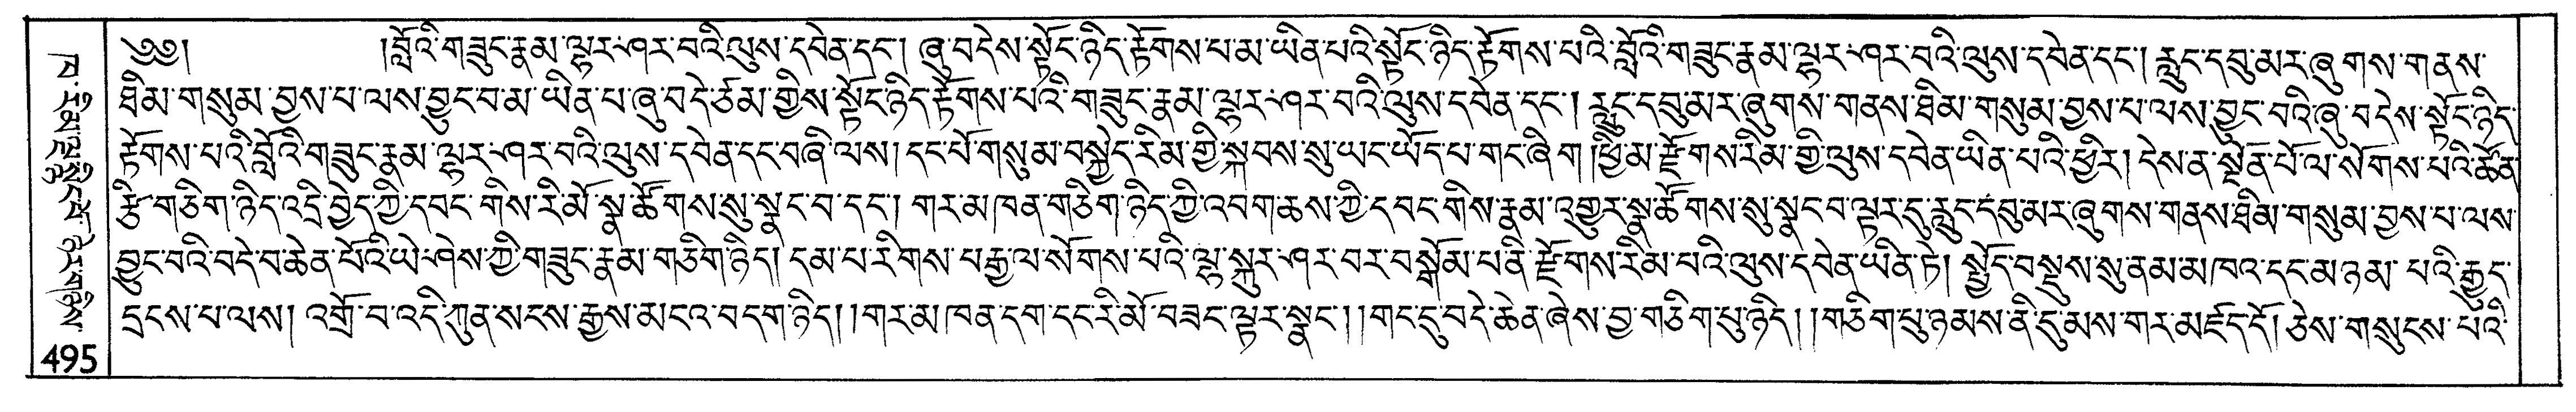༄༅། །བློའི་གཟུང་རྣམ་ལྷར་ཤར་བའི་ལུས་དབེན་དང་། ཞུ་བདེས་སྟོང་ཉིད་རྟོགས་པ་མ་ཡིན་པའི་སྟོང་ཉིད་རྟོགས་པའི་བློའི་གཟུང་རྣམ་ལྷར་ཤར་བའི་ལུས་དབེན་དང་། རླུང་དབུ་མར་ཞུགས་གནས་
ཐིམ་གསུམ་བྱས་པ་ལས་བྱུང་བ་མ་ཡིན་པ་ཞུ་བདེ་ཙམ་གྱིས་སྟོང་ཉིད་རྟོགས་པའི་གཟུང་རྣམ་ལྷར་ཤར་བའི་ལུས་དབེན་དང་། རླུང་དབུ་མར་ཞུགས་གནས་ཐིམ་གསུམ་བྱས་པ་ལས་བྱུང་བའི་ཞུ་བ་དེས་སྟོང་ཉིད་
རྟོགས་པའི་བློའི་གཟུང་རྣམ་ལྷར་ཤར་བའི་ལུས་དབེན་དང་བཞི་ལས། དང་པོ་གསུམ་བསྐྱེད་རིམ་གྱི་སྐབས་སུ་ཡང་ཡོད་པ་གང་ཞིག །ཕྱི་མ་རྫོགས་རིམ་གྱི་ལུས་དབེན་ཡིན་པའི་ཕྱིར། དེས་ན་སྔོན་པོ་ལ་སོགས་པའི་ཚོན་
རྩི་གཅིག་ཉིད་འདྲི་བྱེད་ཀྱི་དབང་གིས་རི་མོ་སྣ་ཚོགས་སུ་སྣང་བ་དང་། གར་མཁན་གཅིག་ཉིད་ཀྱི་འབག་ཆས་ཀྱི་དབང་གིས་རྣམ་འགྱུར་སྣ་ཚོགས་སུ་སྣང་བ་ལྟར་དུ་རླུང་དབུ་མར་ཞུགས་གནས་ཐིམ་གསུམ་བྱས་པ་ལས་
བྱུང་བའི་བདེ་བ་ཆེན་པོའི་ཡེ་ཤེས་ཀྱི་གཟུང་རྣམ་གཅིག་ཉིད། དམ་པ་རིགས་པ་རྒྱ་ལ་སོགས་པའི་ལྷ་སྐུར་ཤར་བར་བསྒོམ་པ་ནི་རྫོགས་རིམ་པའི་ལུས་དབེན་ཡིན་ཏེ། སྤྱོད་བསྡུས་སུ་ནམ་མཁའ་དང་མཉམ་པའི་རྒྱུད་
དྲངས་པ་ལས། འགྲོ་བ་འདི་ཀུན་སངས་རྒྱས་མངའ་བདག་ཉིད། །གར་མཁན་དག་དང་རི་མོ་བཟང་ལྟར་སྣང་། །གང་དུ་བདེ་ཆེན་ཞེས་བྱ་གཅིག་པུ་ཉིད། །གཅིག་པུ་ཉམས་ནི་དུ་མས་གར་མཛད་དོ། ཅེས་གསུངས་པའི་